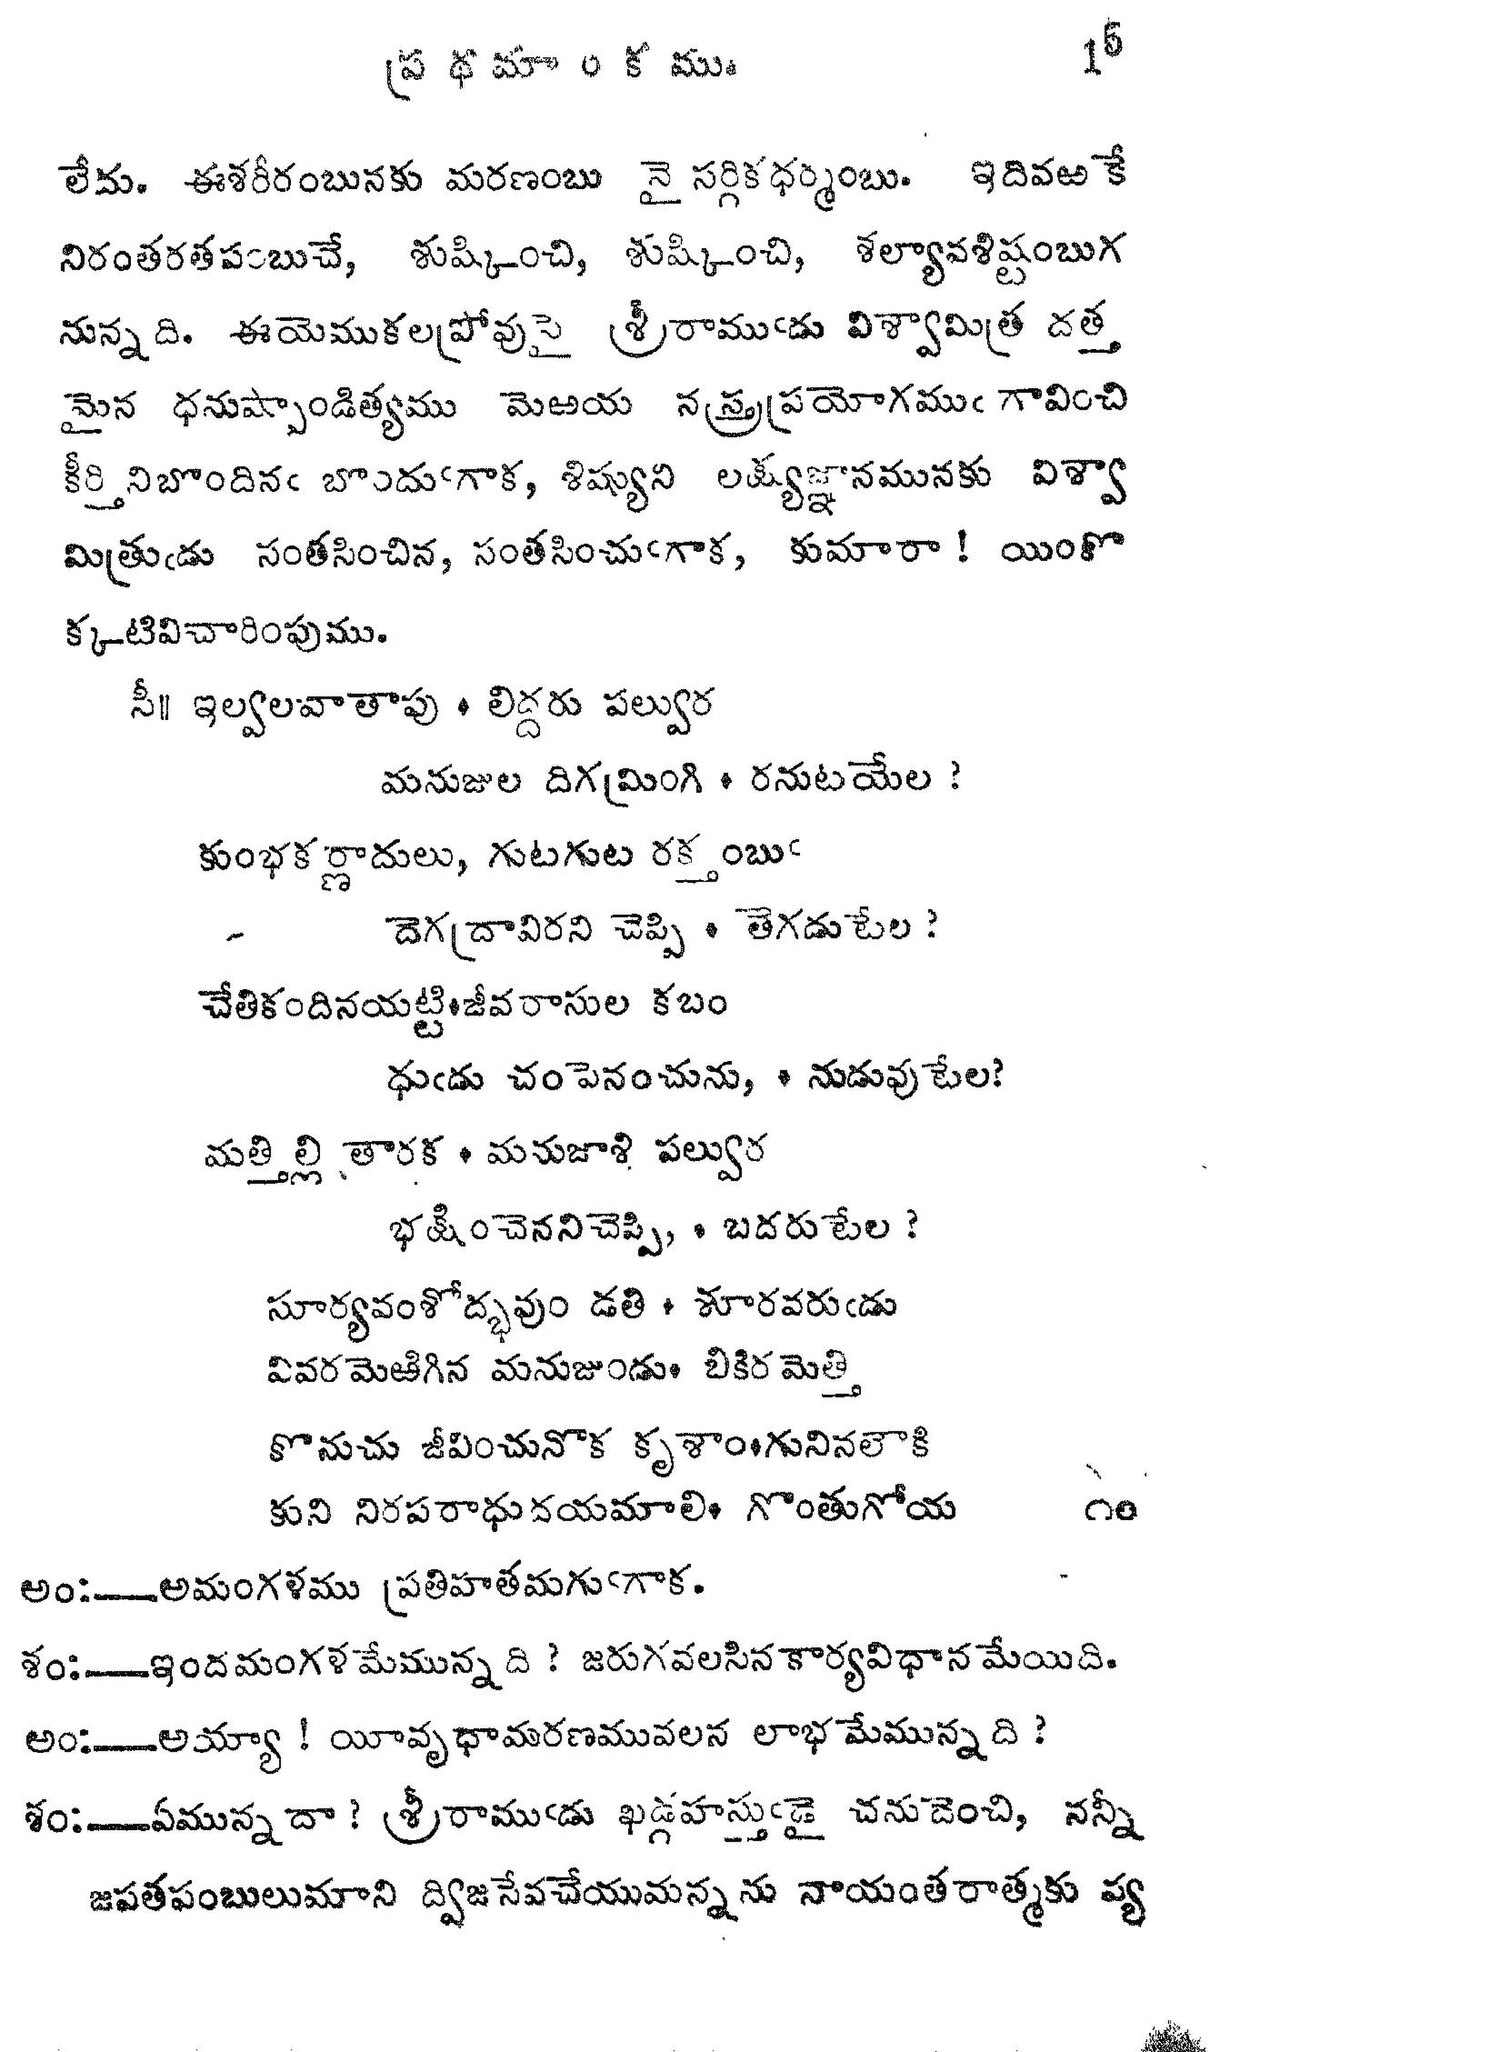లేదు. ఈశరీరంబునకు మరణంబు నైసర్గిక ధర్మంబు. ఇదివఱికే
 నిరంతరతపఁబుచే, శుష్కించి, శుష్కించి, శల్యావశిష్టంబుగ
 నున్నది. ఈ యెముకలప్రోవుపై శ్రీరాముఁడు విశ్వామిత్ర దత్త
 మైన ధనుష్పాండిత్యము మెఱయ నస్రప్రయోగముఁ గావించి
 కీర్తి ని బొందినఁ బొందు గాక, శిష్యుని లక్ష్యజ్ఞానమునకు విశ్వా
 మిత్రుడు సంతసించిన, సంతసించుఁ గాక, కుమారా ! యింకొ
 క్కటి విచారింపుము.

 సీ. ఇల్వల వాతాపు • లిద్దరు పల్వుర
 మనుజుల దిగమ్రింగి • రనుటయేల !
 కుంభకర్ణాదులు, గుటగుట రక్తంబుఁ
 దెగ ద్రావిరని చెప్పి • తెగడు టేల ?
 చేతికందినయట్టి' జీవరాసుల కబం
 ధుఁడు చంపె నంచును, నుడువు టేల?
 మత్తిల్లి తారక • మనుజాళి పల్వుర
 భక్షించెనని చెప్పి, • బదరు టేల?

 సూర్యవంశోద్భవుం డతి శూరవరుఁడు
 వివర మెఱిగిన మనుజుండు. బికిర మెత్తి
 కొనుచు జీవించునొక కృశాంగునిన లౌకి
 కుని నిరపరాధు దయమాలి. గొంతుగోయ ..........10

అం:-- అమంగళము ప్రతిహతమగుఁగాక.

శం: ఇందమంగళ మేమున్నది! జరుగవలసిన కార్యవిధానమే యిది.

అం:-అయ్యా ! యీవృధామరణమువలన లాభ మేమున్నది ?

శం:-ఏమున్నదా ! శ్రీరాముఁడు ఖడ్గహస్తుఁడై చనుదెంచి, నన్నీ
 జపతపంబులుమాని ద్విజ సేవచేయుమన్నను నాయంతరాత్మకు వ్య